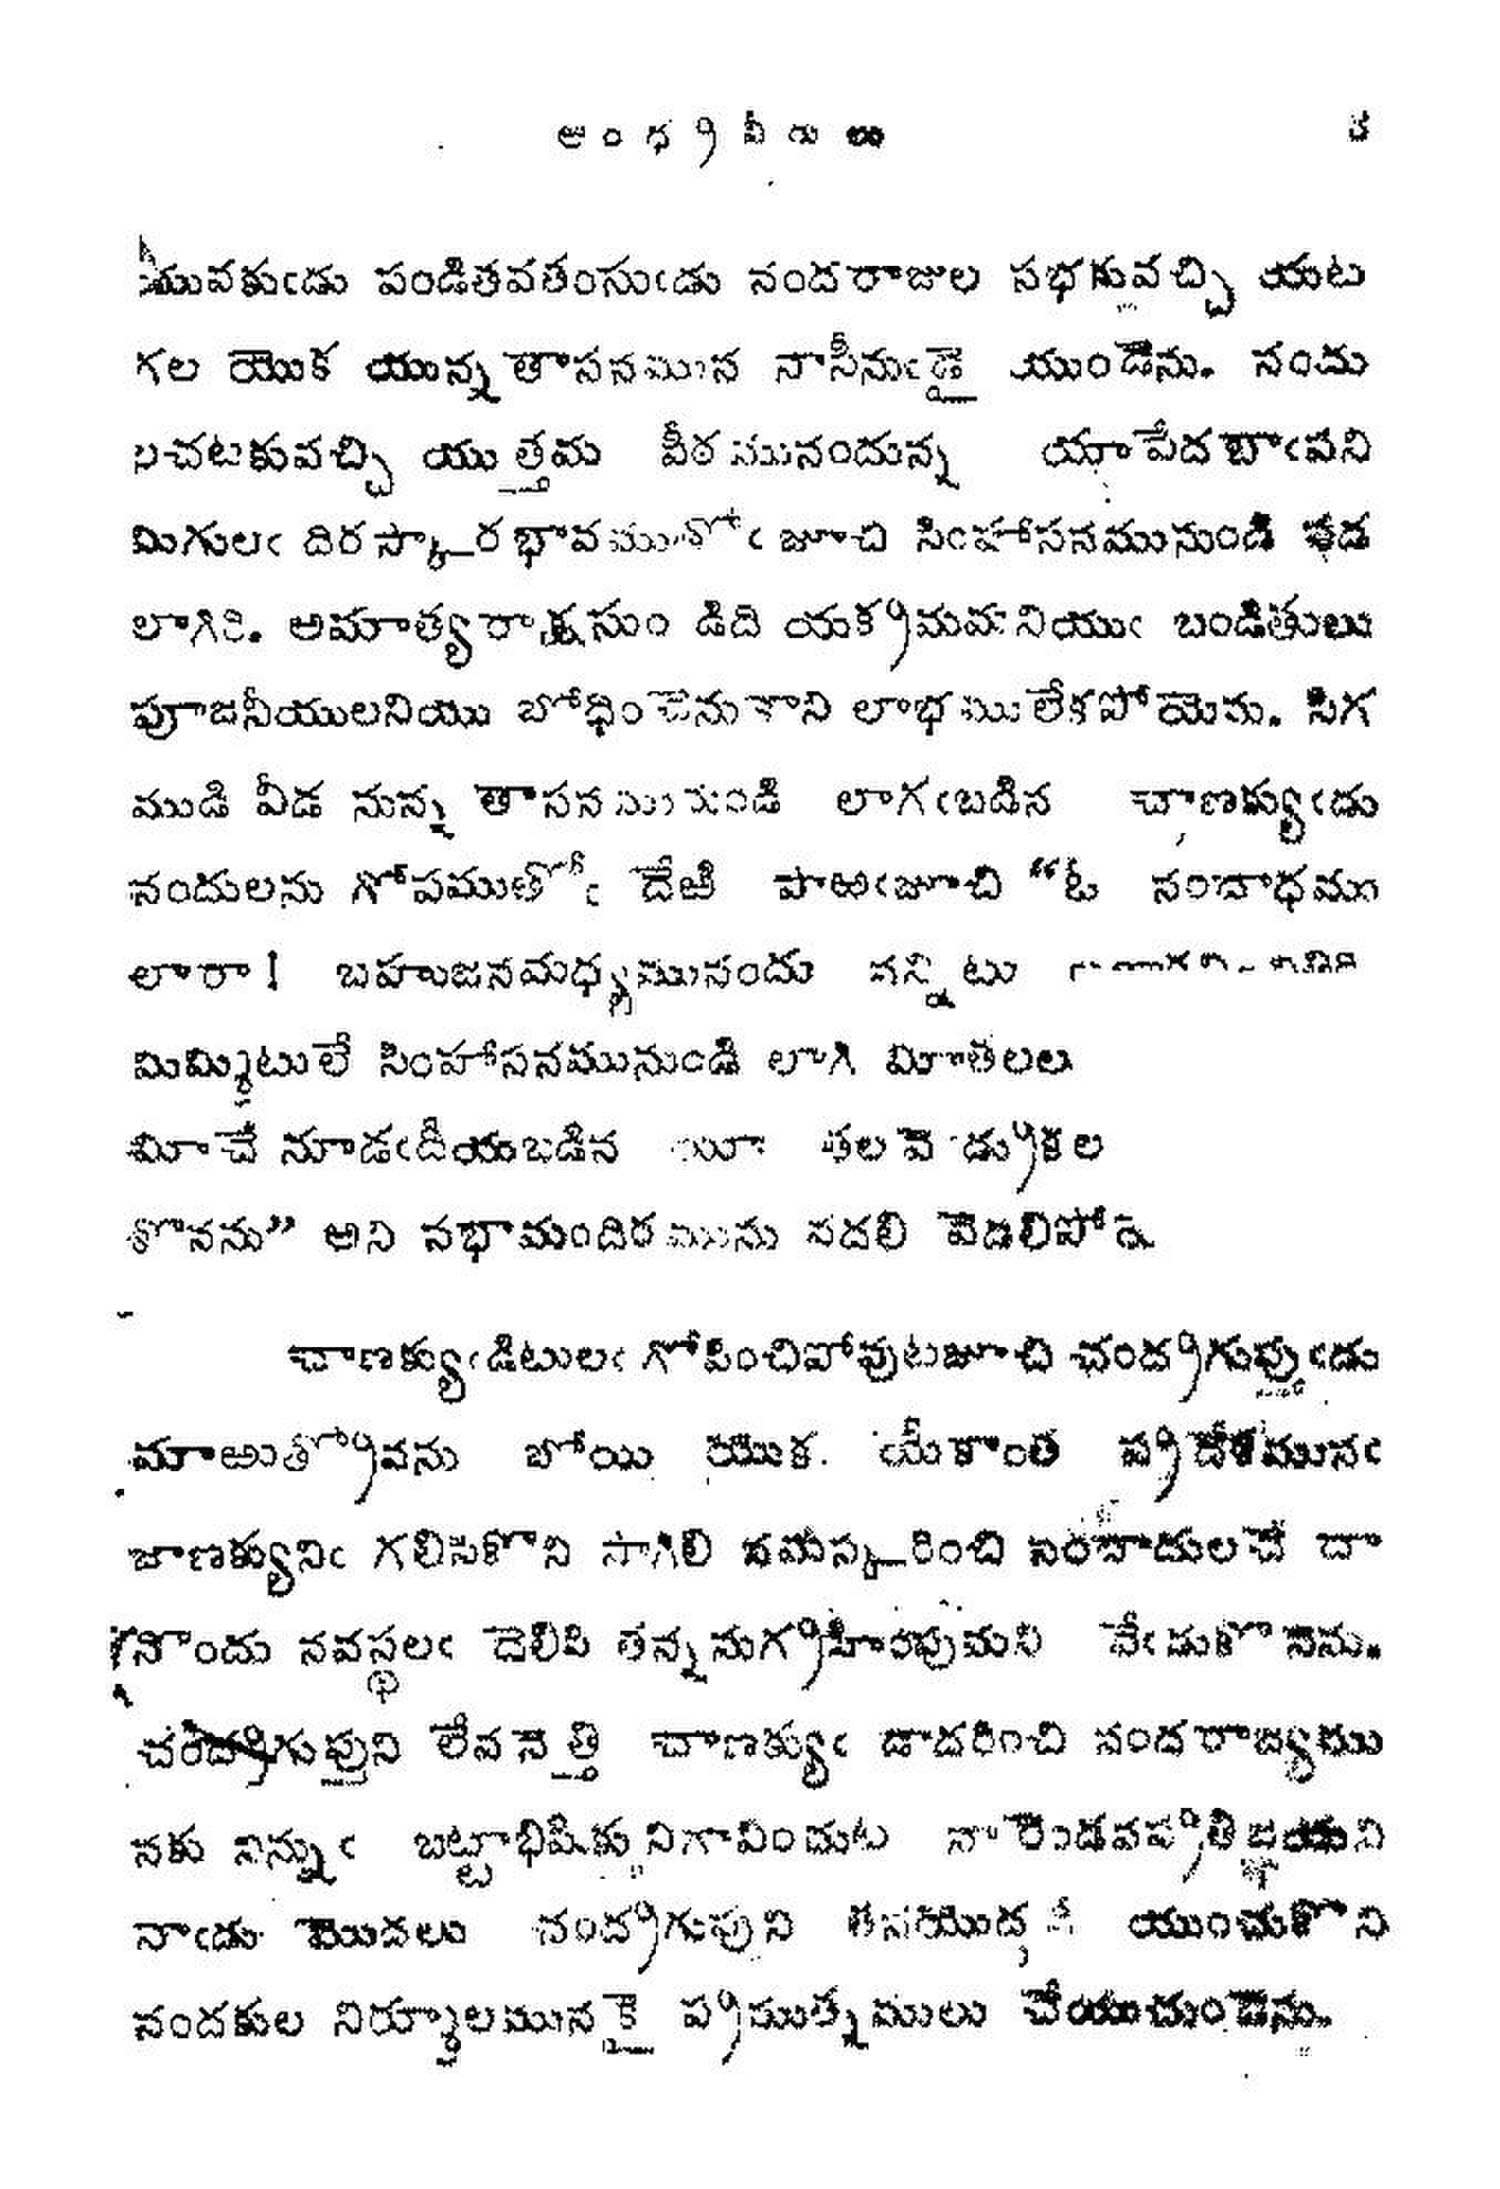యువకుడు పండితవతంసుడు నందరాజుల సభకువచ్చి యటగల యొక యున్నతాసనమున నాసీనుడై యుండెను. నందు లచటకువచ్చి యుత్తమ పీఠమునందున్న యాపేదబాపని మిగుల దిరస్కారభావముతో జూచి సింహాసనమునుండి పడ లాగిరి. అమాత్యరాక్షసుం డిది యక్రమమనియు బండితులు పూజనీయులనియు బోధించెను కాని లాభములేకపోయెను. సిగముడి వీడ నున్న తాసనమునుండి లాగబడిన చాణక్యుడు నందులను గోపముతో దేఱి పాఱజూచి "ఓ నందాధము లారా! బహుజనమధ్యమునందు నన్నిటల అవమానించితిరి. మిమ్మిటులే సింహాసనమునుండి లాగి మీతలలను నరికి మీచే నూడ దీయబడిన యీ తలవెండ్రుకల ముడి వేసు కొనను" అని సభామందిరమును వదలి వెడలిపోయెను.

చాణక్యు డిటుల గోపించి పోవుటజూచి చంద్రగుప్తుడు మాఱుత్రోవను బోయి యొక యేకాంత ప్రదేశమున జాణక్యుని గలిసికొని సాగిలి నమస్కరించి నందాదులచే దానొందు నవస్థల దెలిపి తన్నను గ్రహింపుమని వేడుకొనెను. చంద్రగుప్తుని లేవనెత్తి చాణక్యు డాదరించి నందరాజ్యమునకు నిన్ను బట్టాభిషిక్తునిగావించుట నారెండవ ప్రతిజ్ఞయని నాడు మొదలు చంద్రగుప్తుని తనయొద్దనే యుంచుకొని నందకుల నిర్మూలమునకై ప్రయత్నములు చేయుచుండెను.